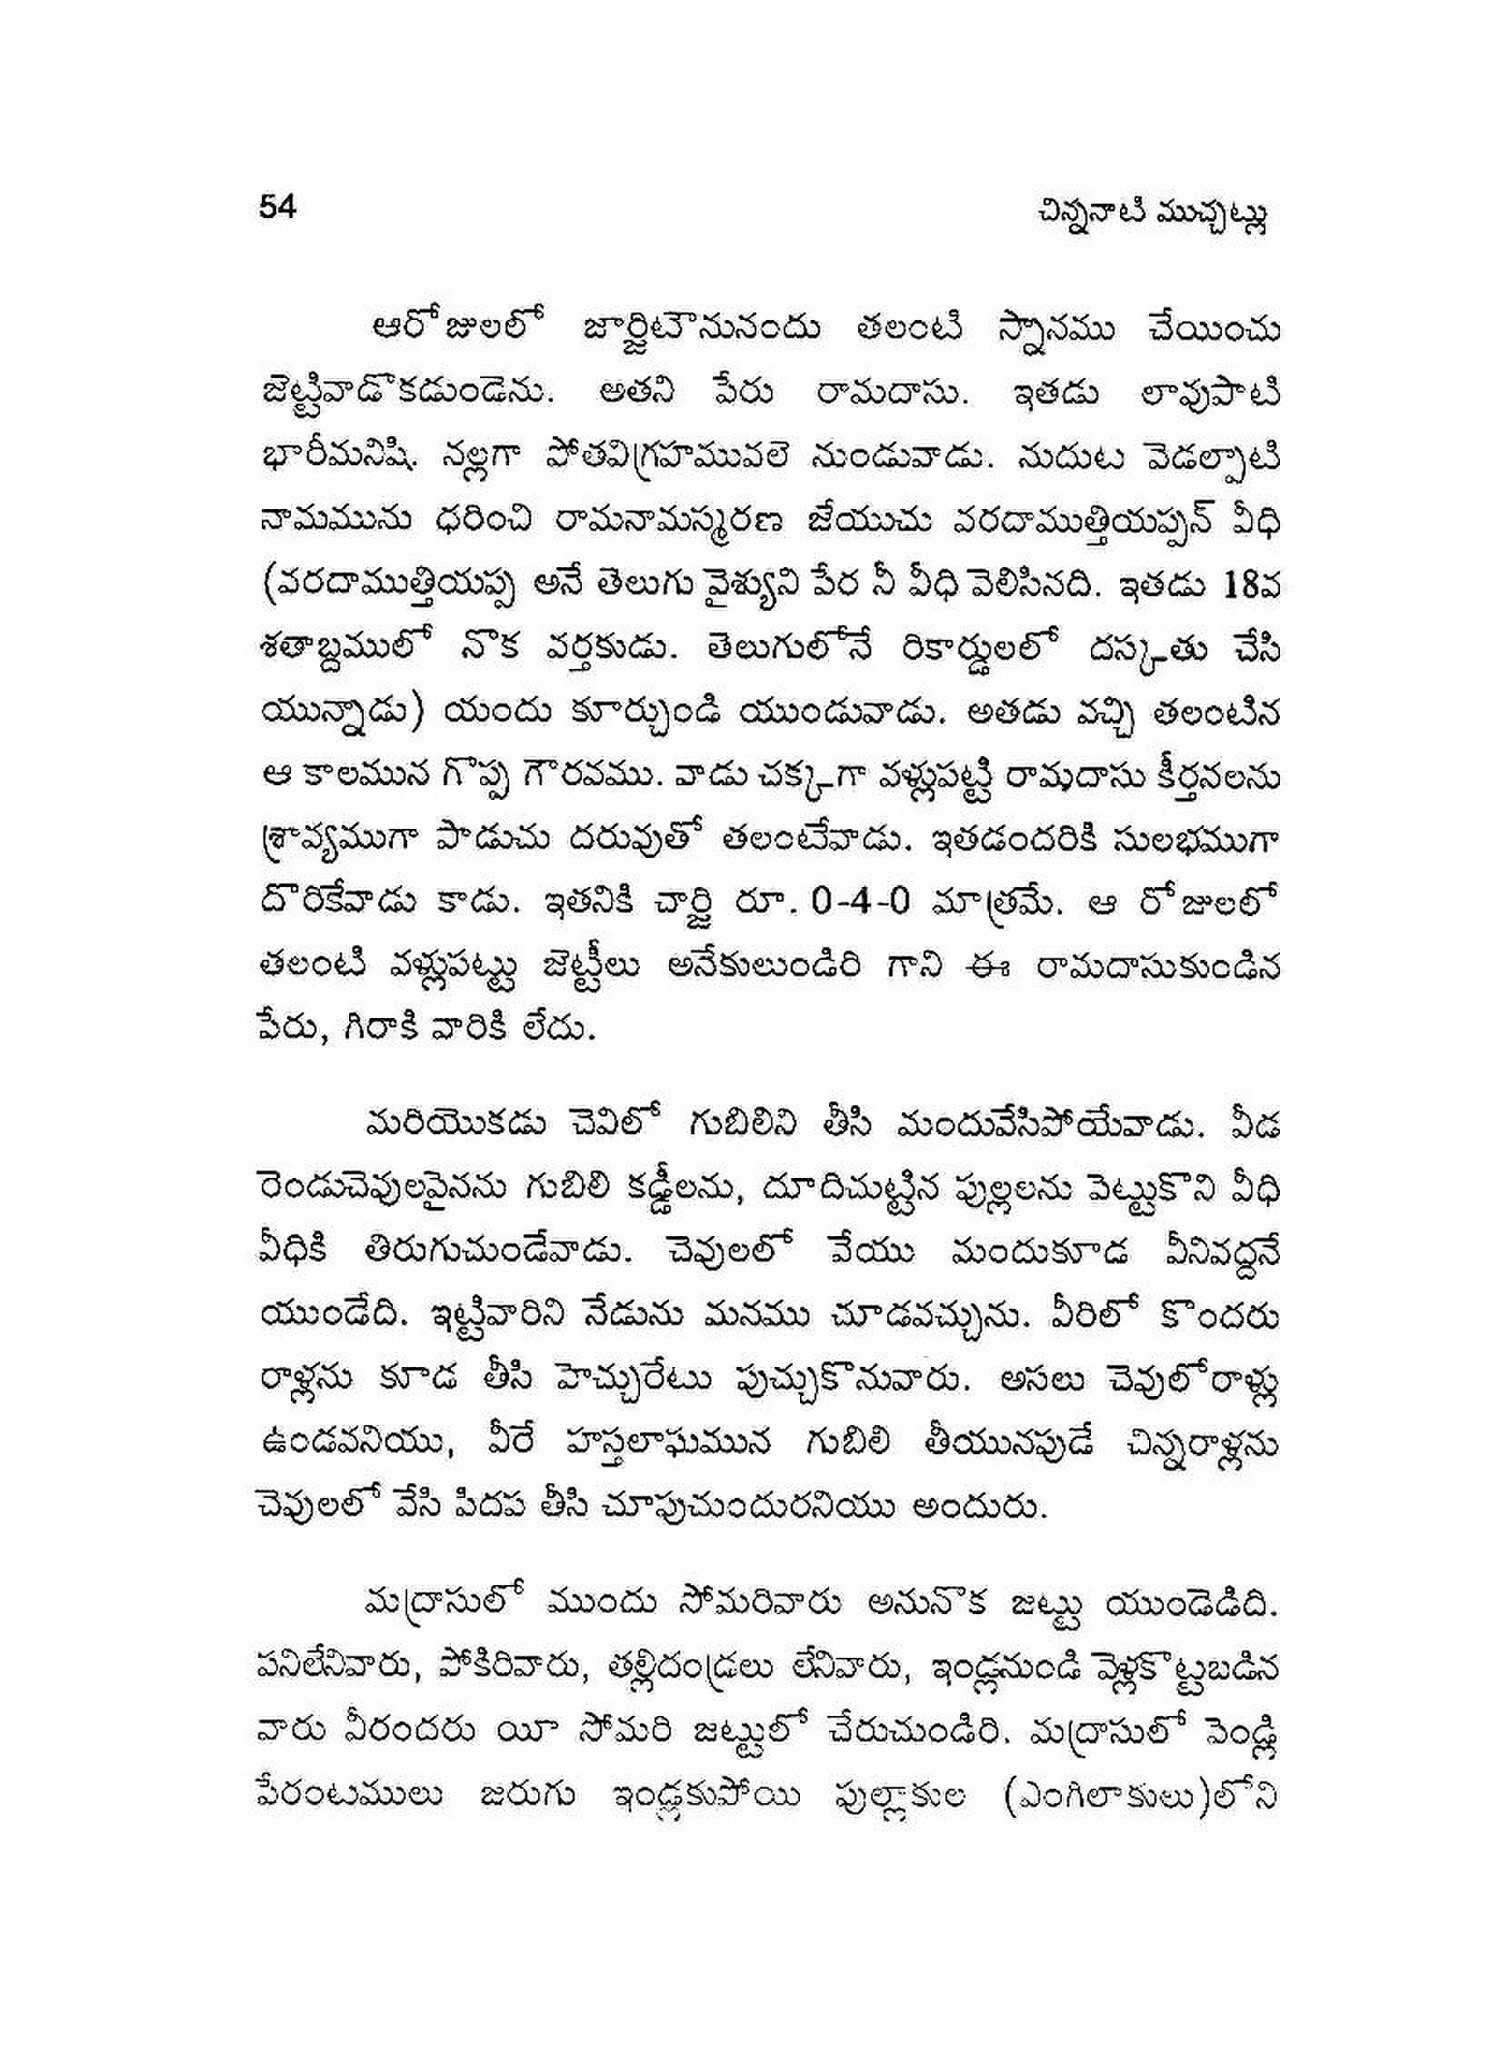ఆరోజులలో జార్జిటౌనునందు తలంటి స్నానము చేయించు జెట్టివాడొకడుండెను. అతని పేరు రామదాసు. ఇతడు లావుపాటి భారీమనిషి, నల్లగా పోతవిగ్రహమువలె నుండువాడు. నుదుట వెడల్పాటి నామమును ధరించి రామనామస్మరణ జేయుచు వరదాముత్తియప్పన్ వీధి (వరదాముత్తియప్ప అనే తెలుగు వైశ్యుని పేర నీ వీధి వెలిసినది. ఇతడు 18వ శతాబ్దములో నొక వర్తకుడు. తెలుగులోనే రికార్డులలో దస్కతు చేసి యున్నాడు) యందు కూర్చుండి యుండువాడు. అతడు వచ్చి తలంటిన ఆ కాలమున గొప్ప గౌరవము. వాడు చక్కగా వళ్లుపట్టి రామదాసు కీర్తనలను శ్రావ్యముగా పాడుచు దరువుతో తలంటేవాడు. ఇతడందరికి సులభముగా దొరికేవాడు కాడు. ఇతనికి చార్జి రూ. 0-4-0 మాత్రమే. ఆ రోజులలో తలంటి వళ్లుపట్టు జెట్టీలు అనేకులుండిరి గాని ఈ రామదాసుకుండిన పేరు, గిరాకి వారికి లేదు.

మరియొకడు చెవిలో గుబిలిని తీసి మందువేసిపోయేవాడు. వీడు రెండుచెవులపైనను గుబిలి కడ్డీలను, దూదిచుట్టిన పుల్లలను పెట్టుకొని వీధి వీధికి తిరుగుచుండేవాడు. చెవులలో వేయు మందుకూడ వీనివద్దనే యుండేది. ఇట్టివారిని నేడును మనము చూడవచ్చును. వీరిలో కొందరు రాళ్లను కూడ తీసి హెచ్చురేటు పుచ్చుకొనువారు. అసలు చెవులో రాళ్లు ఉండవనియు, వీరే హస్తలాఘమున గుబిలి తీయునపుడే చిన్నరాళ్లను చెవులలో వేసి పిదప తీసి చూపుచుందురనియు అందురు.

మద్రాసులో ముందు సోమరివారు అనునొక జట్టు యుండెడిది. పనిలేనివారు, పోకిరివారు, తల్లిదండ్రలు లేనివారు, ఇండ్లనుండి వెళ్లకొట్టబడిన వారు వీరందరు యీ సోమరి జట్టులో చేరుచుండిరి. మద్రాసులో పెండ్లి పేరంటములు జరుగు ఇండ్లకుపోయి పుల్లాకుల (ఎంగిలాకులు)లోని